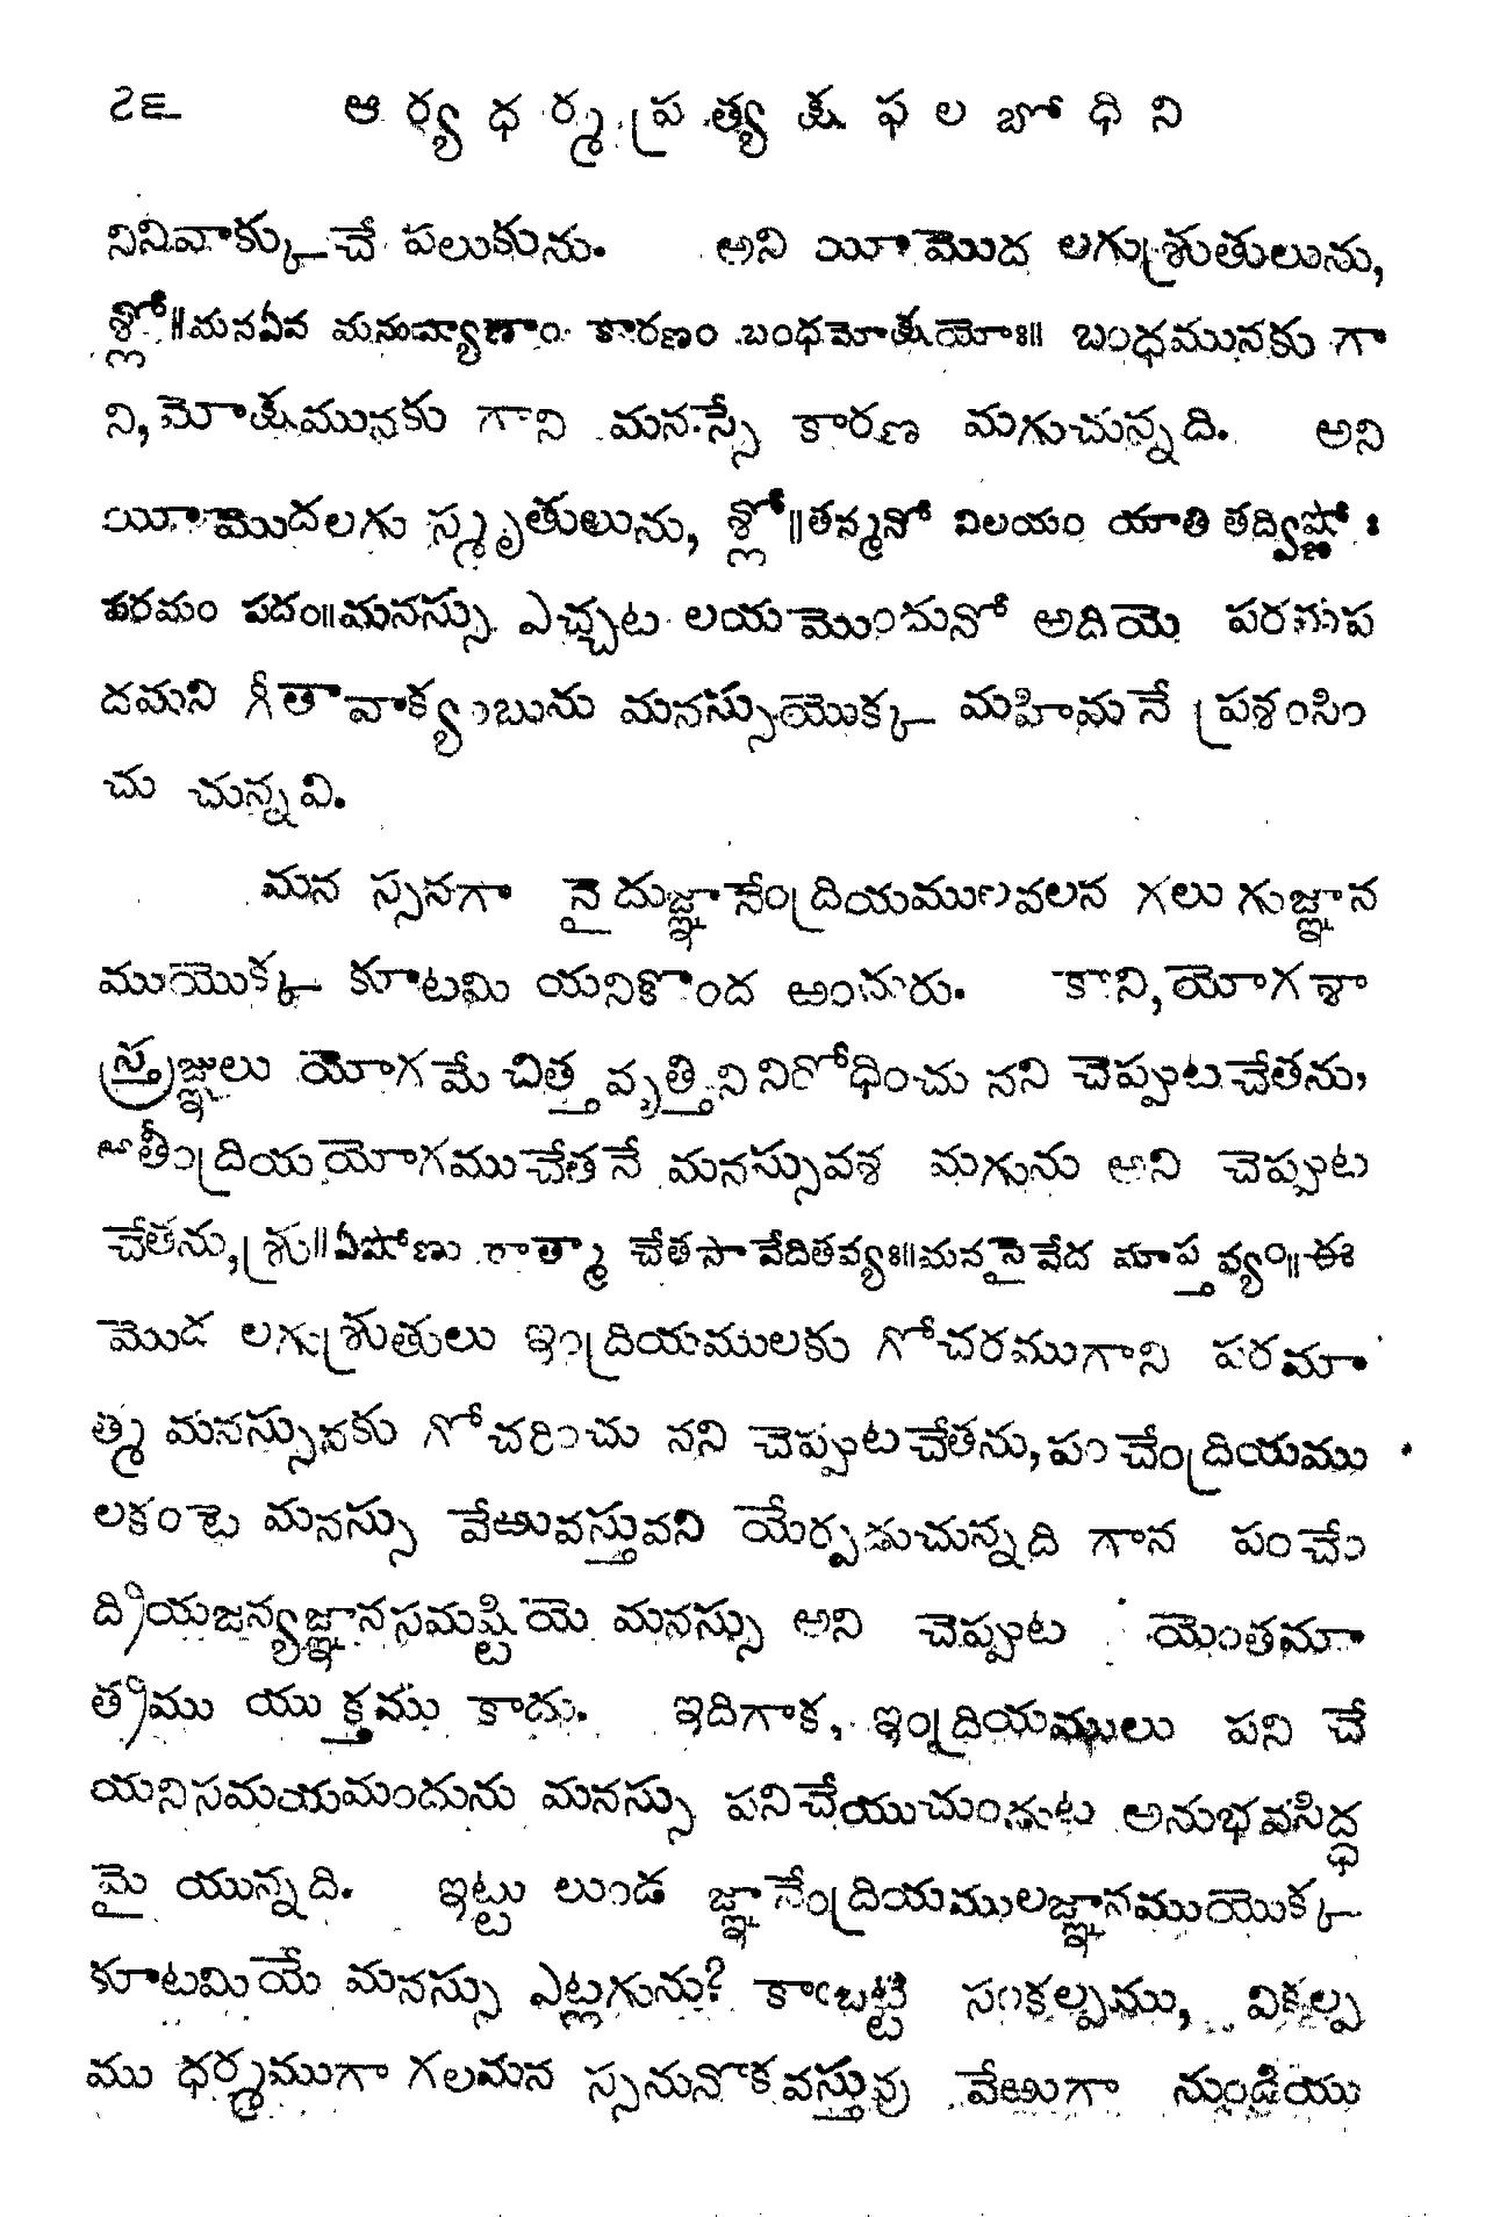నినివాక్కుచే పలుకును. అని యీమొద లగుశ్రుతులును, శ్లో ॥మనఏవ మనుష్యాణాం కారణం బంధమోక్షయోః॥ బంధమునకు గాని, మోక్షమునకు గాని మనస్సే కారణ మగుచున్నది. అని యీమొదలగు స్మృతులును, శ్లో ॥తన్మనో విలయం యాతి తద్విష్ణోః పరమం పదం॥ మనస్సు ఎచ్చట లయమొందునో అదియె పరమపదమని గీతావాక్యంబును మనస్సుయొక్క మహిమనే ప్రశంసించు చున్నవి.

మన స్సనగా నైదుజ్ఞానేంద్రియములవలన గలుగుజ్ఞానముయొక్క కూటమి యనికొంద ఱందురు. కాని, యోగశాస్త్రజ్ఞులు యోగమే చిత్తవృత్తినినిరోధించు నని చెప్పుటచేతను, అతీంద్రియయోగముచేతనే మనస్సువశ మగును అని చెప్పుట చేతను, శ్రు॥ఏషోణు .రాత్మా చేతసావేదితవ్యః॥ మనసైవేద మాప్తవ్యం॥ ఈ మొద లగుశ్రుతులు ఇంద్రియములకు గోచరముగాని పరమాత్మ మనస్సునకు గోచరించు నని చెప్పుటచేతను, పంచేంద్రియములకంటె మనస్సు వేఱువస్తువని యేర్పడుచున్నది గాన పంచేంద్రియజన్యజ్ఞానసమష్టియె మనస్సు అని చెప్పుట యెంతమాత్రము యుక్తము కాదు. ఇదిగాక, ఇంద్రియములు పని చేయనిసమయమందును మనస్సు పనిచేయుచుండుట అనుభవసిద్ధమై యున్నది. ఇట్టు లుండ జ్ఞానేంద్రియములజ్ఞానముయొక్క కూటమియే మనస్సు ఎట్లగును? కాఁబట్టి సంకల్పము, వికల్పము ధర్మముగా గలమన స్సనునొక వస్తువు వేఱుగా నుండియు